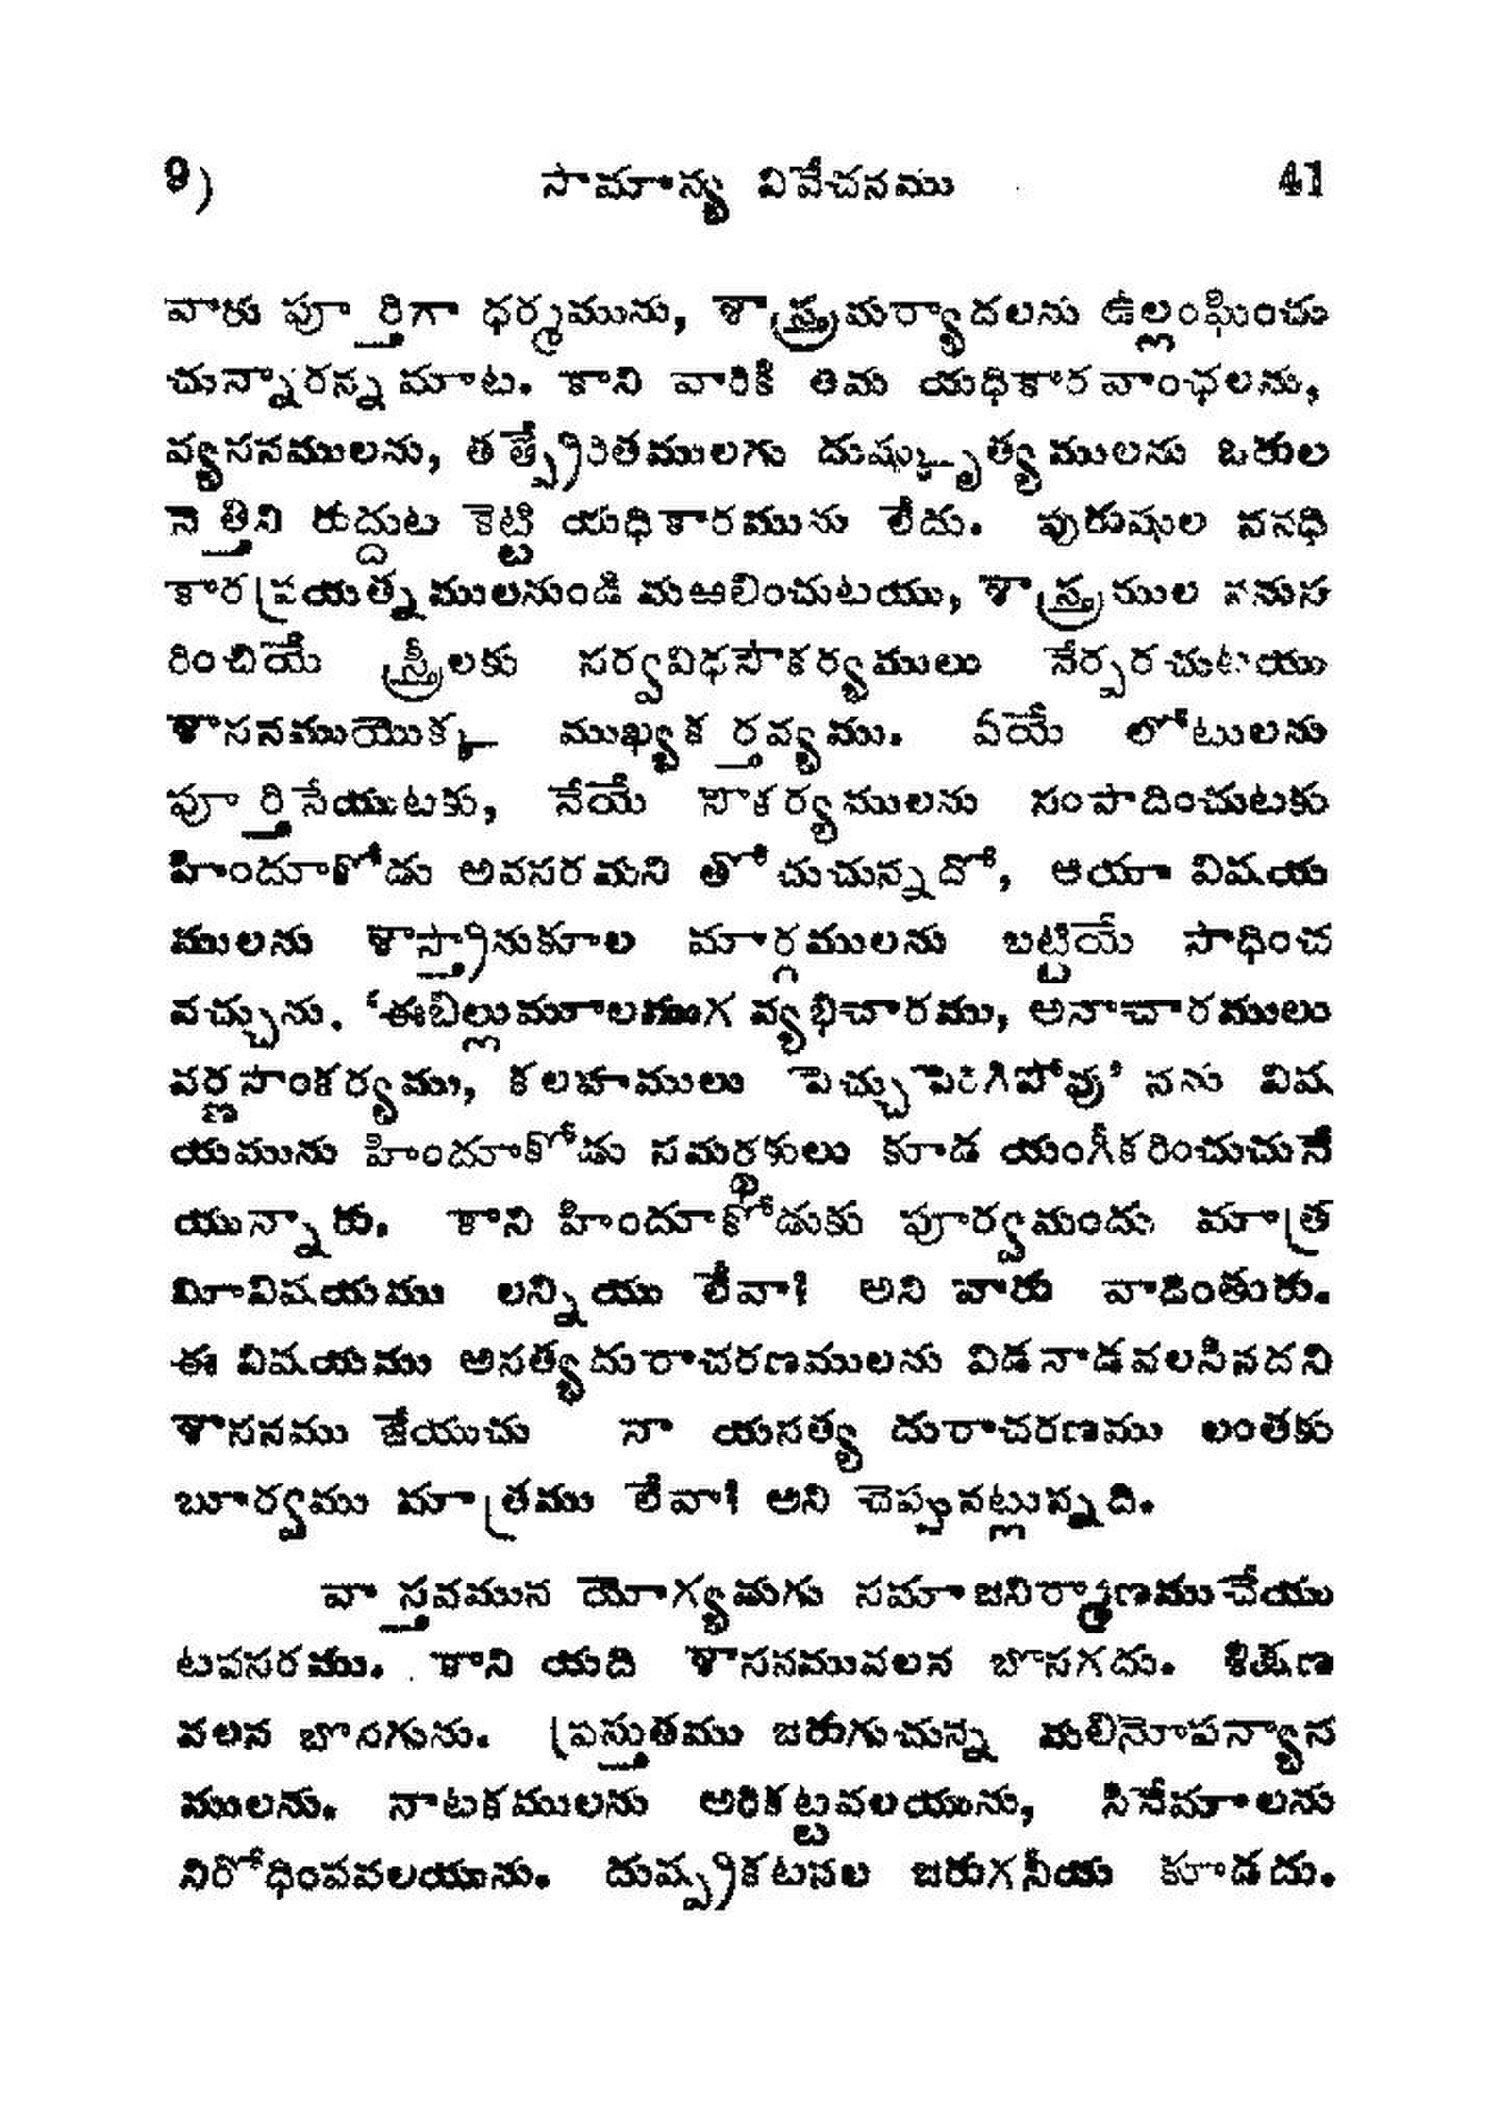వారు పూర్తిగా ధర్మమును, శాస్త్రమర్యాదలను ఉల్లంఘించు
చున్నారన్నమాట. కాని వారికి తమ యధికారవాంఛలను,
వ్యసనములను, తత్ప్రేరితములగు దుష్కృ త్యములను ఒరుల
నెత్తిని రుద్దుట కెట్టి యధికారమును లేదు. పురుషులు ననధికార 
ప్రయత్నములనుండి మఱలించుటయు, శాస్త్రముల ననుసరించియే 
స్త్రీలకు సర్వవిధసౌకర్యములు నేర్పరచుటయు
శాసనము యొక్క ముఖ్యకర్తవ్యము. ఏయే లోటులను పూర్తిసేయుటకు, 
నేయే సౌకర్యములను సంపాదించుటకు హిందూకోడు అవసరమని 
తోచుచున్నదో, ఆయా విషయములను శాస్త్రానుకూల మార్గములను 
బట్టియే సాధించవచ్చును. 'ఈబిల్లుమూలముగ వ్యభిచారము, అనాచారములు
వర్ణసాంకర్యము, కలహములు పెచ్చు పెరిగిపోవు' నను 
విషయమును హిందూకోడు సమర్థకులు కూడ యంగీకరించుచునే
యున్నారు, కాని హిందూకోడుకు పూర్వమందు మాత్ర
మీ విషయము లన్నియు లేవా? అని వారు వాదింతురు.
ఈ విషయము అసత్యదురాచరణములను విడనాడవలసినదని
శాసనము జేయుచు నా యసత్య దురాచరణము లంతకు 
బూర్వము మాత్రము లేవా? అని చెప్పునట్లున్నది.

వాస్తవమున యోగ్యమగు సమాజ నిర్మాణము చేయు
టవసరము. కాని యది శాసనమువలన బొసగదు. శిక్షణ
వలన బొనగును. ప్రస్తుతము జరుగుచున్న మలినోపన్యాన
ములను, నాటకములను అరికట్టవలయును, సినిమాలను
నిరో ధింపవలయును. దుష్ప్రకటనలు జరుగనీయ కూడదు.